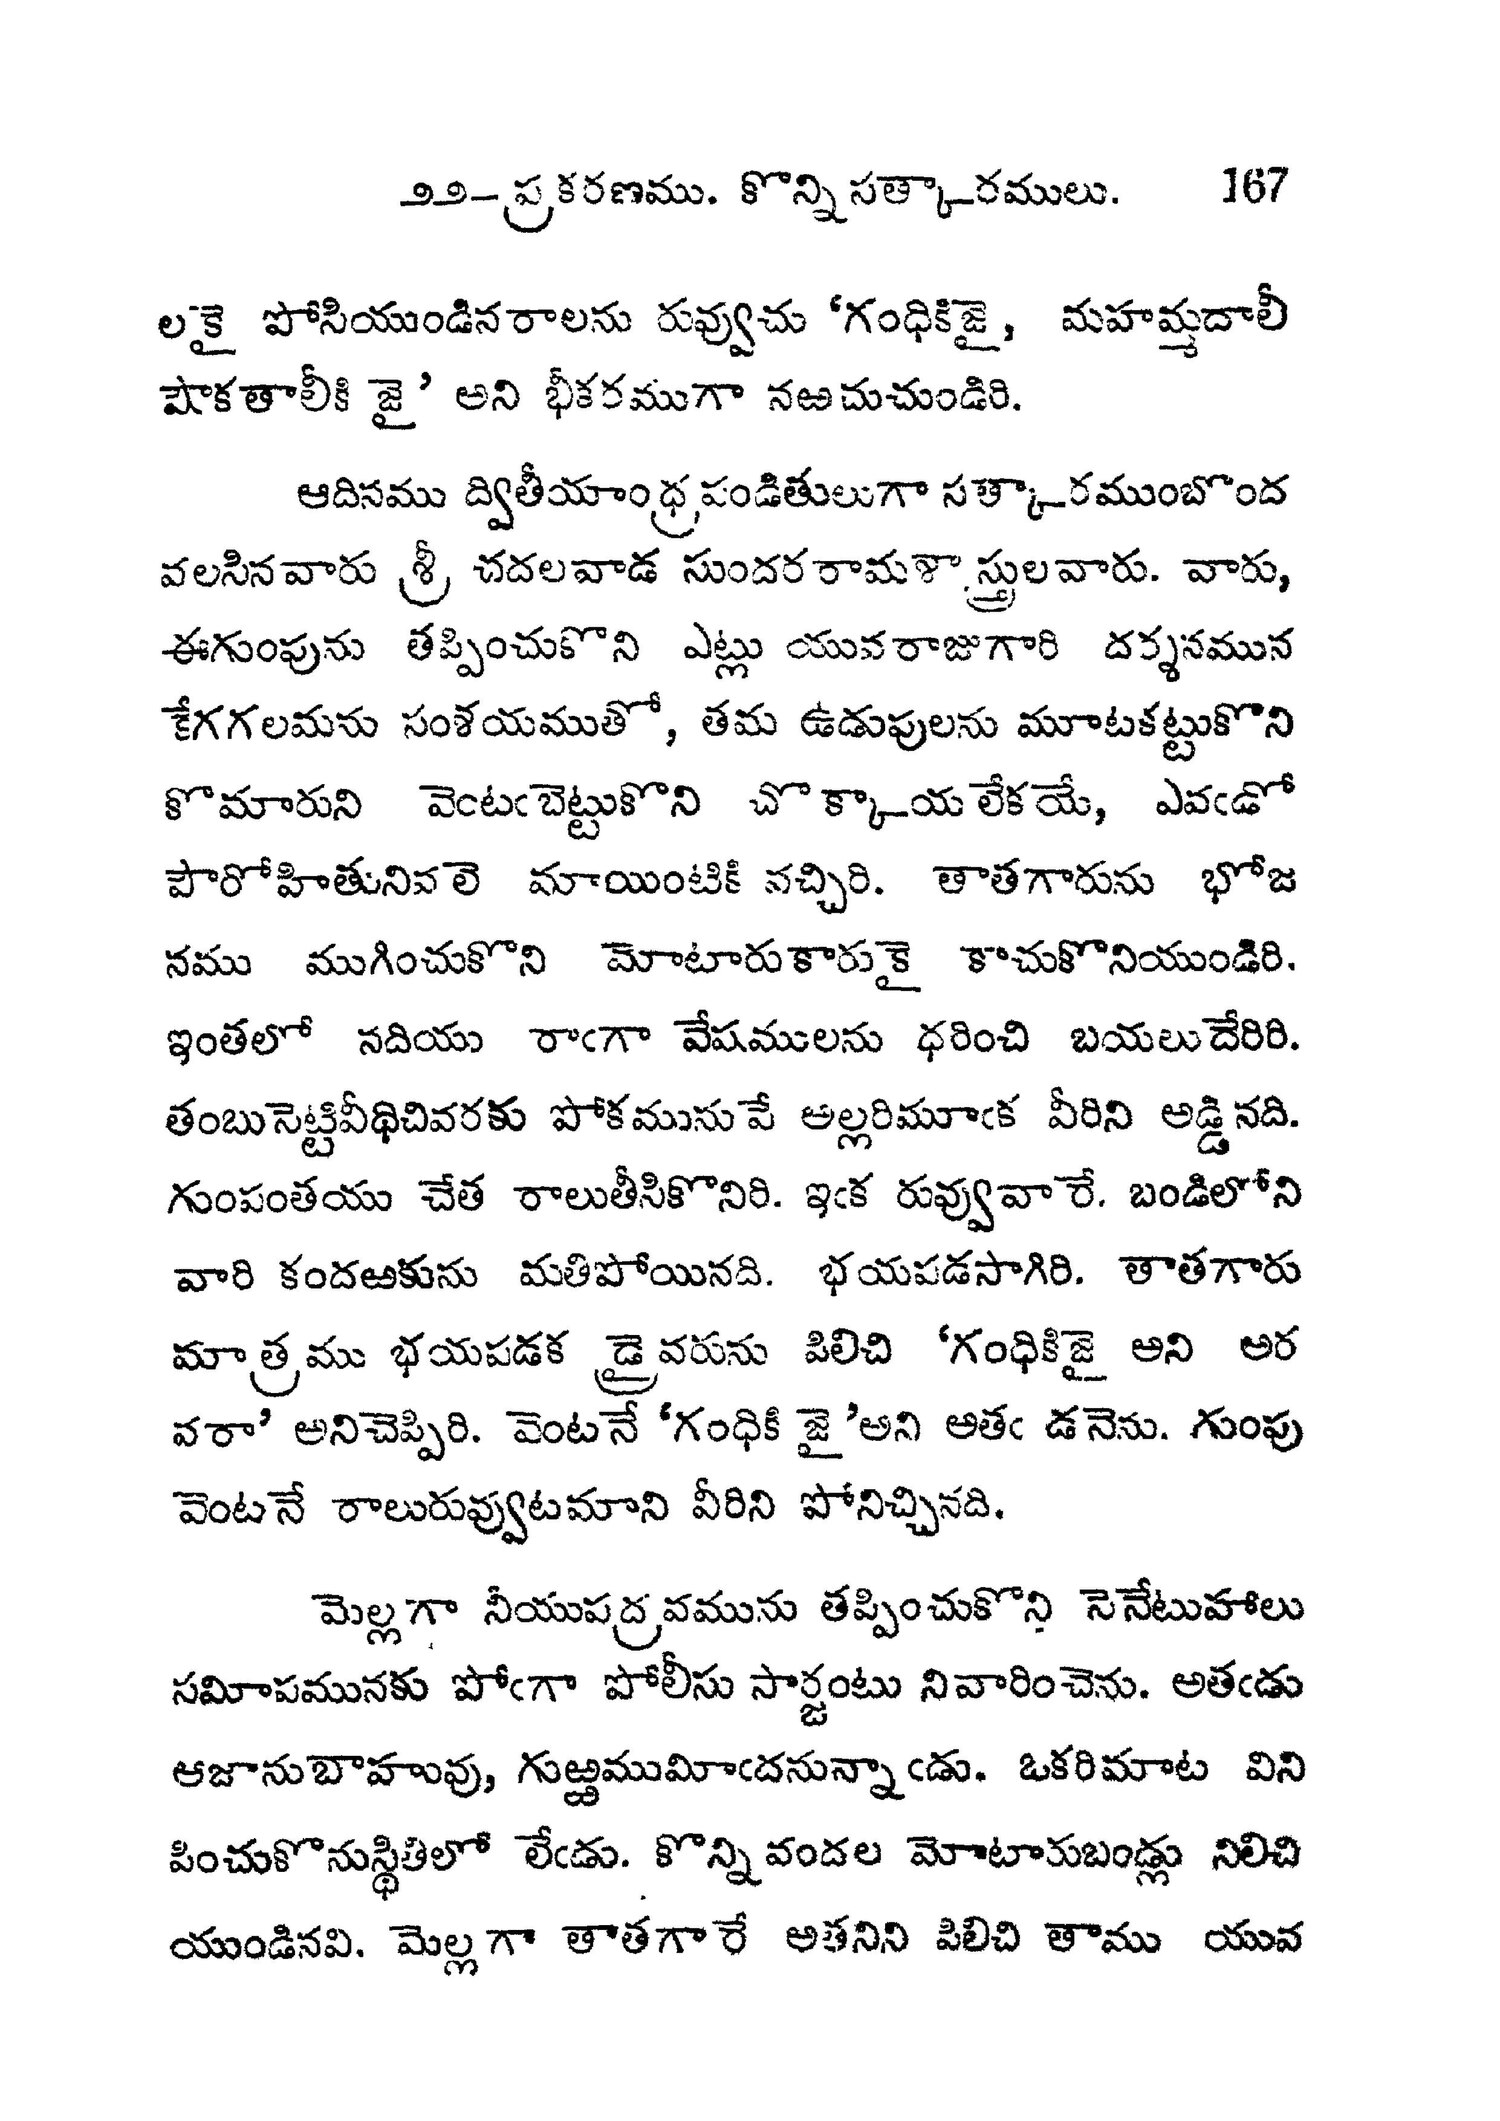లకై పోసియుండినరాలను రువ్వుచు 'గంధికిజై, మహమ్మదాలీ షౌకతాలీకి జై' అని భీకరముగా నఱచుచుండిరి.

ఆదినము ద్వితీయాంధ్రపండితులుగా సత్కారముబొంద వలసినవారు శ్రీ చదలవాడ సుందరరామశాస్త్రులవారు. వారు, ఈగుంపును తప్పించుకొని ఎట్లు యువరాజుగారి దర్శనమున కేగగలమను సంశయముతో, తమ ఉడుపులను మూటకట్టుకొని కొమారుని వెంటబెట్టుకొని చొక్కాయలేకయే, ఎవడో పౌరోహితునివలె మాయింటికి వచ్చిరి. తాతగారును భోజనము ముగించుకొని మోటారుకారుకై కాచుకొనియుండిరి. ఇంతలో నదియు రాగా వేషములను ధరించి బయలుదేరిరి. తంబుసెట్టివీథిచివరకు పోకమునుపే అల్లరిమూక వీరిని అడ్డినది. గుంపంతయు చేత రాలుతీసికొనిరి. ఇక రువ్వువారే. బండిలోనివారి కందఱకును మతిపోయినది. భయపడసాగిరి. తాతగారు మాత్రము భయపడక డ్రైవరును పిలిచి 'గంధికిజై అని అరవరా' అనిచెప్పిరి. వెంటనే 'గంధికి జై'అని ఆత డనెను. గుంపు వెంటనే రాలురువ్వుటమాని వీరిని పోనిచ్చినది.

మెల్లగా నీయుపద్రవమును తప్పించుకొని సెనేటుహాలు సమీపమునకు పోగా పోలీసు సార్జంటు నివారించెను. అతడు ఆజానుబాహువు, గుఱ్ఱముమీదనున్నాడు. ఒకరిమాట వినిపించుకొనుస్థితిలో లేడు. కొన్నివందల మోటారుబండ్లు నిలిచి యుండినవి. మెల్లగా తాతగారే అతనిని పిలిచి తాము యువ